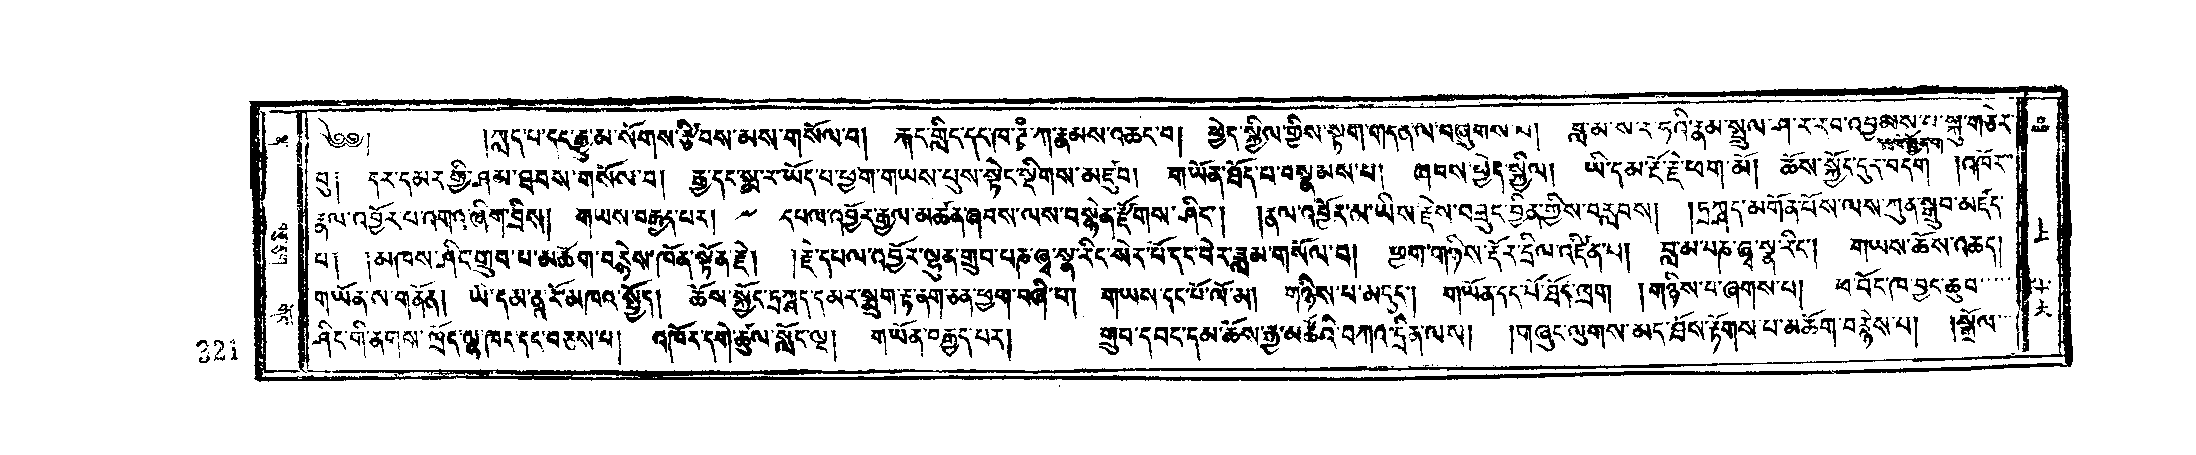༄༅། །ཀླད་པ་དང་རྒྱུ་མ་སོགས་རྩིབས་མས་གསོལ་བ། རྐང་གླིང་དང་ཁ་ཊྭཾ་ཀ་རྣམས་འཆང་བ། ཕྱེད་སྐྱིལ་གྱིས་སྟག་གདན་ལ་བཞུགས་པ། བླ་མ་ས་ར་ཧའི་རྣམ་སྤྲུལ་ཤ་ར་རབ་འབྱམས་པ་སྐུ་གཅེར་
བུ། དར་དམར་གྱི་ཤམ་ཐབས་གསོས་བ། རྒྱ་དང་སྨ་ར་ཡོད་པ་ཕྱག་གཡས་པུས་སྟེང་སྡིགས་མཛུབ། གཡོན་ཐོད་པ་བསྣམས་པ། ཞབས་ཕྱེད་སྐྱིལ། ཡི་དམ་རྡོ་རྗེ་ཕག་མོ། ཆོས་སྐྱོང་དུར་བདག །འཁོར་
རྣལ་འབྱོར་པ་འགའ་ཞིག་བྲིས། གཡས་བརྒྱད་པར། དཔལ་འབྱོར་རྒྱལ་མཚན་ཞབས་ལས་བསྙེན་རྫོགས་ཤིང་། །རྣལ་འབྱོར་མ་ཡིས་རྗེས་བཟུང་བྱིན་གྱིས་བརླབས། །ཏྲཀྴད་མགོན་པོས་ལས་ཀུན་སྒྲུབ་མཛད་
པ། །མཁས་ཤིང་གྲུབ་པ་མཆོག་བརྙེས་ཁོན་སྟོན་རྗེ། །རྗེ་དཔལ་འབྱོར་ལྷུན་གྲུབ་པཎ་ཞྭ་སྣ་རིང་སེར་པོ་དང་བེར་ཟླམ་གསོལ་བ། ཕྱག་གཉིས་རྡོར་དྲིལ་འཛིན་པ། བླ་མ་པཎ་ཞྭ་སྣ་རིང་། གཡས་ཆོས་འཆད།
གཡོན་ས་གནོན། ཡི་དམ་ནཱ་རོ་མཁའ་སྤྱོད། ཆོས་སྐྱོང་ཏྲཀྴད་དམར་སྨུག་རྟ་ནག་ཅན་ཕྱག་བཞི་པ། གཡས་དང་པོ་ལོ་མ། གཉིས་པ་མདུང་། གཡོན་དང་པོ་ཐོད་ཁྲག །གཉིས་པ་ཞགས་པ། ཕ་བོང་ཁ་བྱང་ཆུབ་
ཤིང་གི་ནགས་ཁྲོད་ལྷ་ཁང་དང་བཅས་པ། འཁོར་དགེ་ཚུལ་སློང་ལྔ། གཡོན་བརྒྱད་པར། གྲུབ་དབང་དམ་ཆོས་རྒྱ་མཚོའི་བཀའ་དྲིན་ལས། །གཞུང་ལུགས་མང་ཐོས་རྟོགས་པ་མཆོག་བརྙེས་པ། །སྒྲོལ་